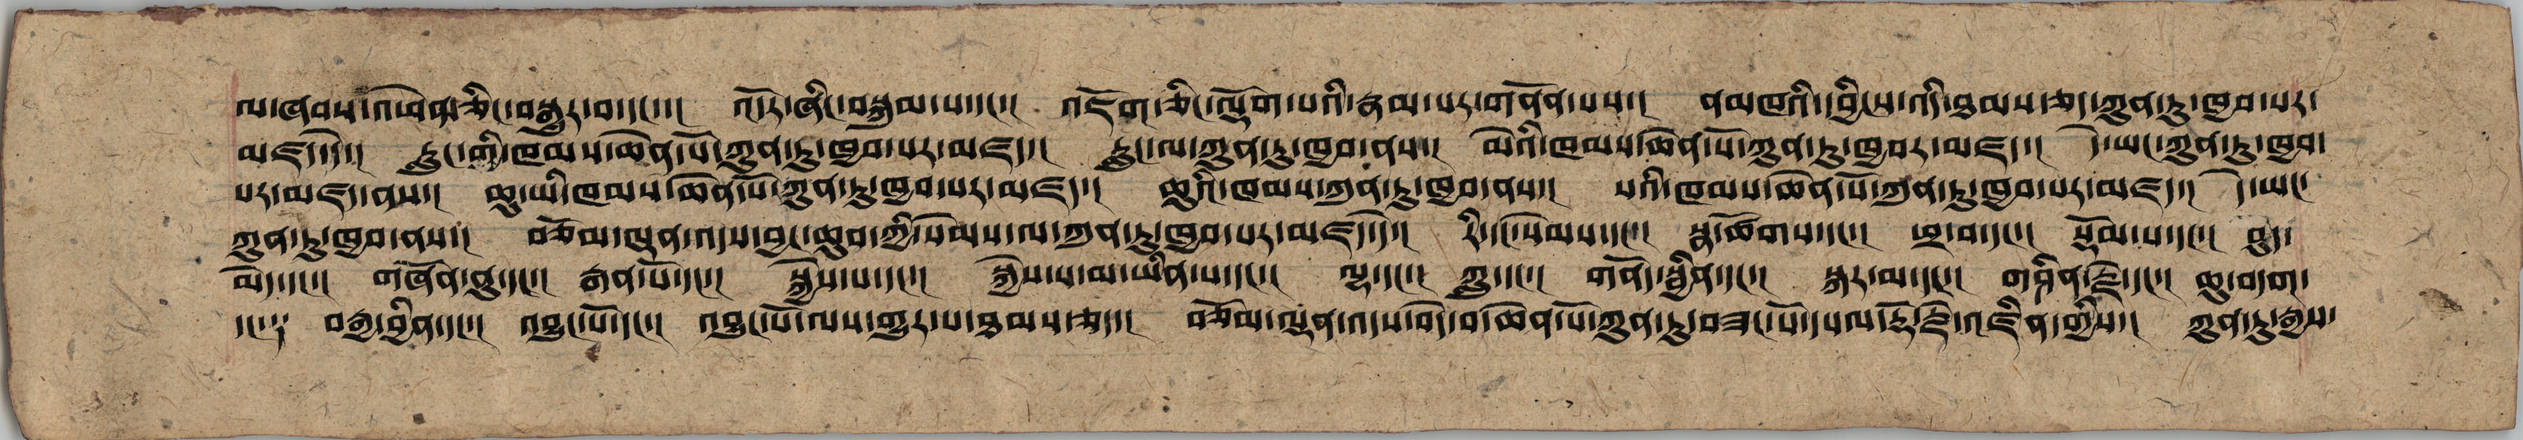ལ་ཞབས་འཕེན་ཅིང་བསྒྱུར་བ་དང་་། འདོར་ཞིང་བསྐུམ་པ་དང་་། འཇོག་ཅིང་ལྡོག་པའི་རྣམ་པར་གནོན་པས་། ནམཁའི་དབྱིངས་འདི་ཐམས་ཅད་ཀུན་ཏུ་ཁྱབ་པར་
མཛད་དེ་། རླུང་གི་ཁམས་ཆེན་པོ་ཀུན་ཏུ་ཁྱབ་པར་མཛད་། རླུང་ལ་ཀུན་ཏུ་ཁྱབ་ནས་། མེའི་ཁམས་ཆེན་པོ་ཀུན་ཏུ་ཁྱབར་མཛད་། དེ་ཡང་ཀུན་ཏུ་ཁྱབ་
པར་མཛད་ནས་། ཆུ་ཡི་ཁམས་ཆེན་པོ་ཀུན་ཏུ་ཁྱབ་པར་མཛད་། ཆུའི་ཁམས་ཀུན་ཏུ་ཁྱབ་ནས་། སའི་ཁམས་ཆེན་པོ་ཀུན་ཏུ་ཁྱབ་པར་མཛད་། དེ་ཡང་
ཀུན་ཏུ་ཁྱབ་ནས་། བཅོམ་ལྡན་འདས་བྱང་ཆུབ་ཀྱི་སེམས་ལ་ཀུན་ཏུ་ཁྱབ་པར་མཛད་དེ་། རི་དང་སེམས་དང་། སྣ་ཚོགས་དང་། ཕྲ་བ་དང་། སྡོམ་པ་དང་། བུད་
མེད་དང་། གཞོན་ནུ་དང་། རྒན་པོ་དང་། སྐྱེས་པ་དང་། སྐྱེས་པ་མ་ཡིན་པ་དང་། ལྷ་དང་། ཀླུ་དང་། གནོད་སྦྱིན་དང་། སྐར་མ་དང་། གཤིན་རྗེ་དང་། ཆུ་བདག་
དང་༑ བརྒྱ་བྱིན་དང་། འབྱུང་པོ་དང་། འབྱུང་པོ་ལས་གྱུར་པ་ཐམས་ཅད་། བཅོམ་ལྡན་འདས་བདེ་བ་ཆེན་པོ་ཀུན་ཏུ་བཟང་པོ་དཔལ་རྡོ་རྗེ་འཛིན་གྱིས་། ཀུན་ཏུ་རྒྱས་